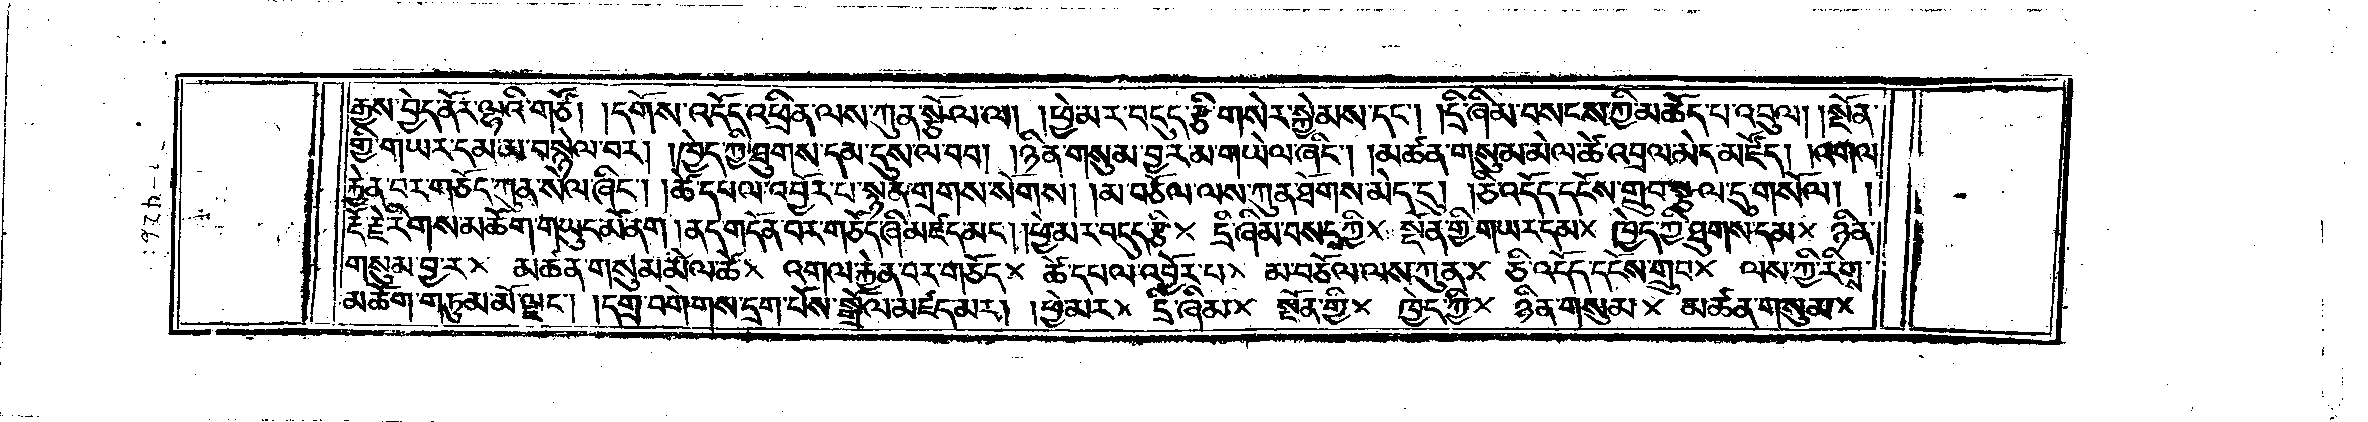རྒྱས་བྱེད་ནོར་ལྷའི་གཙོ། །དགོས་འདོད་འཕྲིན་ལས་ཀུན་སྩོལ་ལ། །ཕྱེ་མར་བདུད་རྩི་གསེར་སྐྱེམས་དང་། །དྲི་ཞིམ་བསངས་ཀྱི་མཆོད་པ་འབུལ། །སྔོན་
གྱི་གཡར་དམ་མ་བསྙེལ་བར། །ཁྱེད་ཀྱི་ཐུགས་དམ་དུས་ལ་བབ། །ཉིན་གསུམ་བྱ་ར་མ་གཡེལ་ཞིང་། །མཚན་གསུམ་མེལ་ཚེ་འབྲལ་མེད་མཛོད། །འགལ་
རྐྱེན་བར་གཅོད་ཀུན་སེལ་ཞིང་། །ཚེ་དཔལ་འབྱོར་པ་སྙན་གྲགས་སོགས། །མ་བཅོལ་ལས་ཀུན་ཐོགས་མེད་དུ། །ཅི་འདོད་དངོས་གྲུབ་སྩལ་དུ་གསོལ། །
རྡོ་རྗེ་རིགས་མཆོག་གཡུང་མོ་ནག །ནད་གདོན་པར་གཅོད་ཞི་མཛད་མར། །ཕྱི་མར་བདུད་རྩི་྾་དྲི་ཞིམ་བསངས་ཀྱི་྾་སྔོན་གྱི་གཡར་དམ་྾་ཁྱེད་ཀྱི་ཐུགས་དམ་྾་ཉིན་
གསུམ་བྱ་ར་྾་མཚན་གསུམ་མེལ་ཚེ་྾་འགལ་རྐྱེན་བར་གཅོད་྾་ཚེ་དཔལ་འབྱོར་པ་྾་མ་བཅོལ་ལས་ཀུན་྾་ཅི་འདོད་དངོས་གྲུབ་྾་ལས་ཀྱི་རིགས་
མཆོག་གཏུམ་མོ་ལྗང་། །དགྲ་བགེགས་དྲག་པོས་སྒྲོལ་མཛད་མར། །ཕྱེ་མར་྾་དྲི་ཞིམ་྾་སྔོན་གྱི་྾་ཁྱེད་ཀྱི་྾་ཉིན་གསུམ་྾་མཚན་གསུམ་྾་